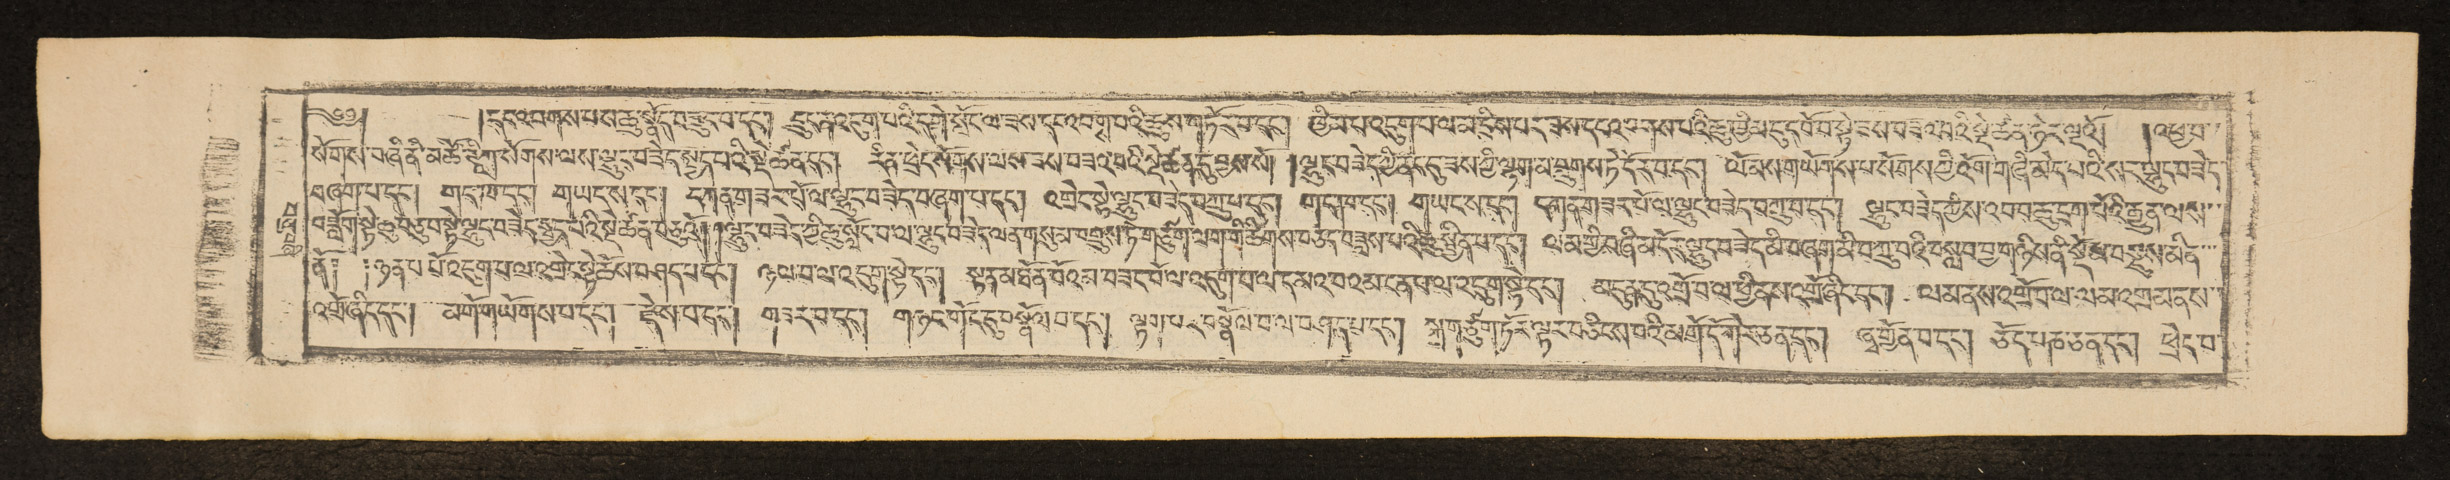༄༅། །དང་འབགས་པས་ཆུ་སྣོད་བཟུང་བ་དང་། དྲུང་ན་འདུག་པའི་དགེ་སློང་ལ་ཟས་དང་འབགས་པའི་ཆུས་གཏོར་བ་དང་། ཁྱིམ་པ་འདུག་པ་ལམ་དྲིས་པར་ཟས་དང་འབགས་པའི་ཆུ་ཁྱིམ་དུ་དབོ་བ་སྟེ་ཟས་བཟའ་བའི་སྡེ་ཚན་ཉེར་ལྔའོ། །འཕྱ་བ་
སོགས་བཞི་ནི་མཚོ་ཊཱིཀ་སོགས་ལས་ལྷུང་བཟེད་སྤྱད་པའི་སྡེ་ཚན་དང་། རིན་ཕྲེང་སོགས་ལས་ཟས་བཟའ་བའི་སྡེ་ཚན་དུ་བྱས་སོ། །ལྷུང་བཟེད་ཀྱི་ནང་དུ་ཟས་ཀྱི་ལྷག་མ་བླུགས་ཏེ་དོར་བ་དང་། ལོ་མས་གཡོགས་པ་སོགས་ཀྱི་འོག་གཞི་མེད་པའི་སར་ལྷུང་བཟེད་
བཞག་པ་དང་། གང་ཁ་དང་། གཡང་ས་དང་། དཀན་གཟར་པོ་ལ་ལྷུང་བ་ཟེད་བཞག་པ་དང་། འགྲེང་སྟེ་ལྷུང་བཟེད་བཀྲུ་བ་དང་། གང་ཁ་དང་། གཡང་ས་དང་། དཀན་གཟར་པོ་ལ་ལྷུང་བཟེད་བཀྲུ་བ་དང་། ལྷུང་བཟེད་ཀྱིས་འབབ་ཆུ་དྲག་པོའི་རྒྱུན་ལས་
བཟློག་སྟེ་ཆུ་བཅུ་བ་སྟེ་ལྷུང་བཟེད་སྤྱད་པའི་སྡེ་ཚན་བཅུའོ། །ལྷུང་བཟེད་ཀྱི་ཆུ་སློང་བ་ལ་ལྷུང་བཟེད་ལན་གསུམ་བཀྲུས་ཏེ་གཙུག་ལག་གི་ཚིགས་བཅད་བཟླས་པའི་ཆུ་སྦྱིན་པ་དང་། ལམ་གྱི་བཞི་མདོར་ལྷུང་བཟེད་མི་བཞག་མི་བཀྲུ་བའི་བསླབ་བྱ་གཉིས་ནི་སྔོམ་བསྡུས་མིན་
ནོ༑ །ཉན་པ་པོ་འདུག་པ་ལ་འགྲེང་སྟེ་ཆོས་བཤད་པ་དང་། ཉལ་བ་ལ་འདུག་སྟེ་དང་། སྟན་མཐོན་པོའམ་བཟང་པོ་ལ་འདུག་པ་ལ་དམའ་བའམ་ངན་པ་ལ་འདུག་སྟེ་དང་། མདུན་དུ་འགྲོ་བ་ལ་ཕྱི་ནས་འགྲོ་ཞིང་དང་། ལམ་ནས་འགྲོ་བ་ལ་ལམ་འགྲམ་ནས་
འགྲོ་ཞིང་དང་། མགོ་གཡོགས་བ་དང་། རྗེས་པ་དང་། གཟར་བ་དང་། གཉའ་གོང་དུ་བསྣོལ་པ་དང་། ལྟག་པར་བསྣོལ་བ་ལ་བཤད་པ་དང་། སྐྲ་གཙུག་ཏོར་ལྟར་བཅིངས་པའི་མགོ་དོ་ཀེར་ཅན་དང་། ཞྭ་གྱོན་པ་དང་། ཅོད་པཎ་ཅན་དང་། ཕྲེང་བ་